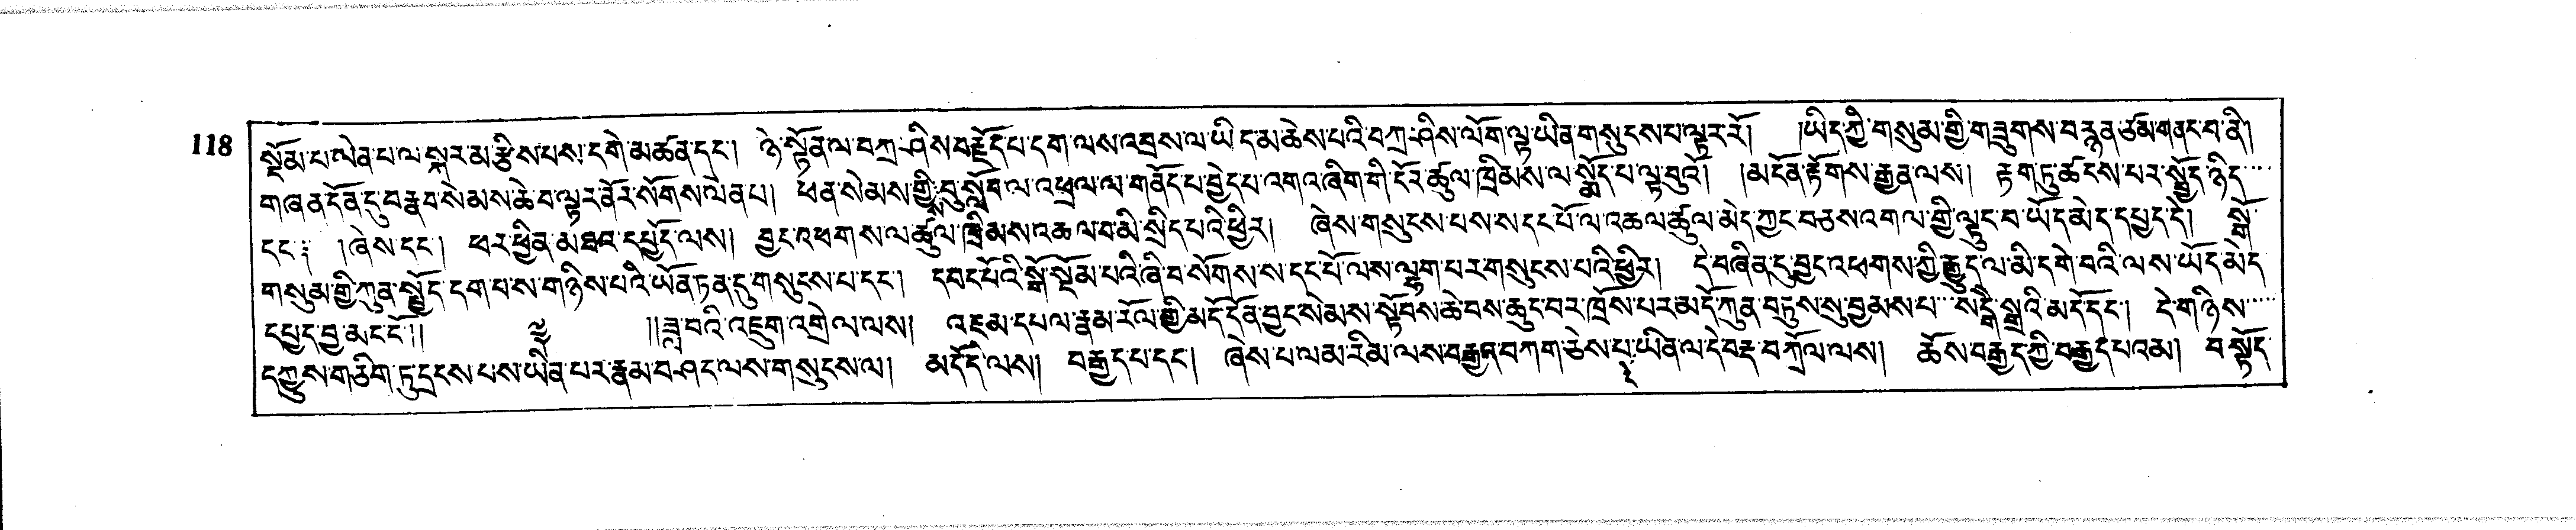སྡོམ་པ་ལེན་པ་ལ་སྐར་མ་རྩིས་པས་དགེ་མཚན་དང་། ཉེ་སྟོན་ལ་བཀྲ་ཤིས་བརྗོད་པ་དག་ལས་འབྲས་ལ་ཡིད་མ་ཆེས་པའི་བཀྲ་ཤིས་ལོག་ལྟ་ཡིན་གསུངས་པ་ལྟར་རོ། །ཡིད་ཀྱི་གསུམ་གྱི་གཟུགས་བརྙན་ཙམ་གནང་བ་ནི།
གཞན་དོན་དུ་བརྣབ་སེམས་ཆེ་བ་ལྟར་ནོར་སོགས་ལེན་པ། ཕན་སེམས་ཀྱིས་བུ་སློབ་ལ་འཕྲལ་ལ་གནོད་པ་བྱེད་པ་འགའ་ཞིག་གི་ངོར་ཚུལ་ཁྲིམས་ལ་སྨོད་པ་ལྟ་བུའོ། །མངོན་རྟོགས་རྒྱན་ལས། རྟག་ཏུ་ཚངས་པར་སྤྱོད་ཉིད་
དང་། །ཞེས་དང་། ཕར་ཕྱིན་མཐའ་དཔྱོད་ལས། བྱང་འཕགས་ལ་ཚུལ་ཁྲིམས་འཆལ་བ་མི་སྲིད་པའི་ཕྱིར། ཞེས་གསུངས་པས་ས་དང་པོ་ལ་འཆལ་ཚུལ་མེད་ཀྱང་བཅས་འགལ་གྱི་ལྟུང་བ་ཡོད་མེད་དཔྱད་དེ། སྒོ་
གསུམ་གྱི་ཀུན་སྤྱོད་དག་པ་ས་གཉིས་པའི་ཡོན་ཏན་དུ་གསུངས་པ་དང་། དབང་པོའི་སྒོ་སྡོམ་པའི་ཞི་བ་སོགས་ས་དང་པོ་ལས་ལྷག་པར་གསུངས་པའི་ཕྱིར། དེ་བཞིན་དུ་བྱང་འཕགས་ཀྱི་རྒྱུད་ལ་མི་དགེ་བའི་ལས་ཡོད་མེད་
དཔྱད་བྱ་མང་ངོ།། ༈ །།ཟླ་བའི་འཇུག་འགྲེལ་ལས། འཇམ་དཔལ་རྣམ་རོལ་གྱི་མདོ་དོན་བྱང་སེམས་སྟོབས་ཆེ་བས་ཆུང་བར་ཁྲོས་པར་མདོ་ཀུན་བཏུས་སུ་བྱམས་པ་སེངྒེ་སྒྲའི་མདོ་དང་། དེ་གཉིས་
དཀྱུས་གཅིག་ཏུ་དྲངས་པས་ཡིན་པར་རྣམ་བཤད་ལས་གསུངས་ལ། མདོ་དེ་ལས། བརྒྱད་པ་དང་། ཞེས་པ་ལམ་རིམ་ལས་བརྒྱད་བཀག་ཅེས་པ་ཡིན་ལ་དེ་བརྡ་བཀྲོལ་ལས། ཆོས་བརྒྱད་ཀྱི་བརྒྱད་པའམ། བསྟོད་